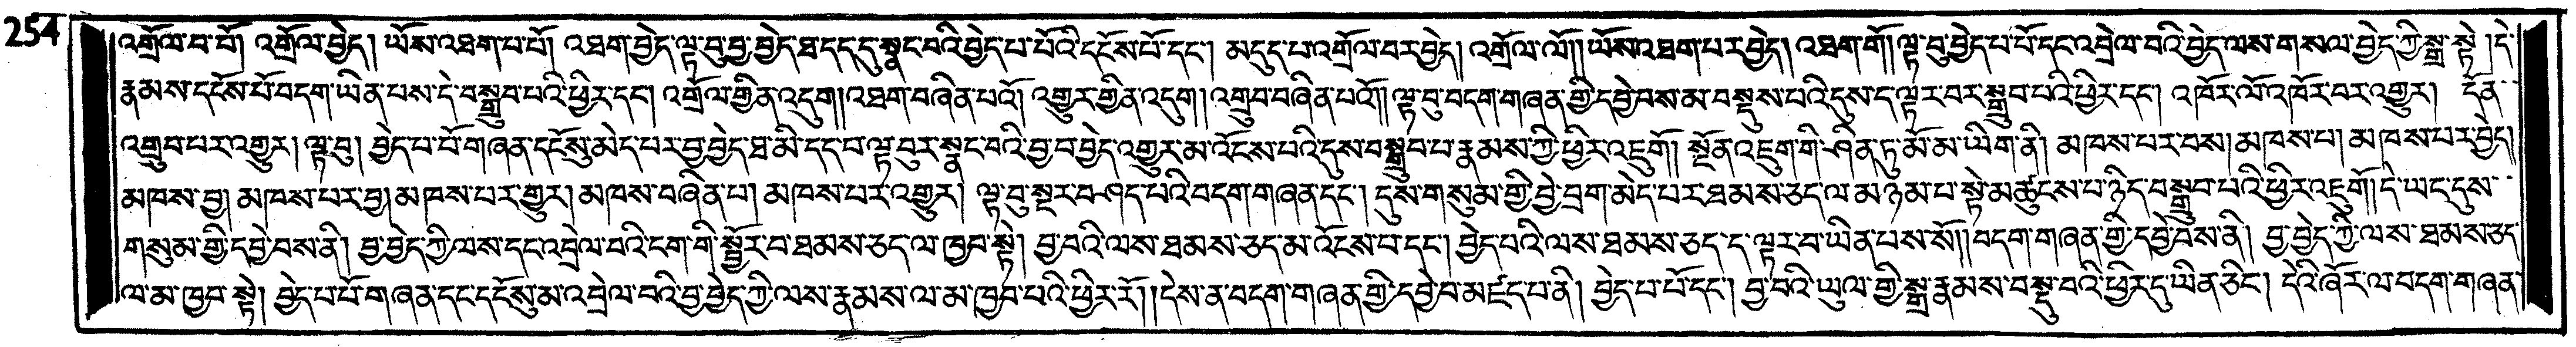འགྲོལ་བ་པོ། འགྲོལ་བྱེད། ཡོས་འཐག་པ་པོ། འཐག་བྱེད་ལྟ་བུ་བྱ་བྱེད་ཐ་དད་དུ་སྣང་བའི་བྱེད་པ་པོའི་དངོས་པོ་དང་། མདུད་པ་འགྲོལ་བར་བྱེད། འགྲོལ་ལོ། །ཡོས་འཐག་པར་བྱེད། འཐག་གོ། ལྟ་བུ་བྱེད་པ་པོ་དང་འབྲེལ་བའི་བྱེད་ལས་གསལ་བྱེད་ཀྱི་སྒྲ་སྟེ། །དེ་
རྣམས་དངོས་པོ་བདག་ཡིན་པས་དེ་བསྒྲུབ་པའི་ཕྱིར་དང་། འགྲོལ་གྱིན་འདུག། །འཐག་བཞིན་པའོ། འགྱུར་གྱིན་འདུག། འགྲུབ་བཞིན་པའོ། །ལྟ་བུ་བདག་གཞན་གྱི་དབྱེ་བས་མ་བསྡུས་པའི་དུས་ད་ལྟར་བར་སྒྲུབ་པའི་ཕྱིར་དང་། འཁོར་ལོ་འཁོར་བར་འགྱུར། དོན་
འགྲུབ་པར་འགྱུར། ལྟ་བུ། བྱེད་པ་པོ་གཞན་དངོསུ་མེད་པར་བྱ་བྱེད་ཐ་མི་དད་པ་ལྟ་བུར་སྣང་བའི་བྱ་བ་བྱེད་འགྱུར་མ་འོངས་པའི་དུས་བསྒྲུབ་པ་རྣམས་ཀྱི་ཕྱིར་འཇུགོ། སྔོན་འཇུག་གི་ཤིན་ཏུ་མོ་མ་ཡིག་ནི། མཁས་པར་བས། མཁས་པ། མཁས་པར་བྱེད།
མཁས་བྱ། མཁས་པར་བྱ། མཁས་པར་གྱུར། མཁས་བཞིན་པ། མཁས་པར་འགྱུར། ལྟ་བུ་སྔར་བཤད་པའི་བདག་གཞན་དང་། དུས་གསུམ་གྱི་བྱེ་བྲག་མེད་པར་ཐམས་ཅད་ལ་མཉམ་པ་སྟེ་མཚུངས་པ་ཉིད་བསྒྲུབ་པའི་ཕྱིར་འཇུགོ། དེ་ཡང་དུས་
གསུམ་གྱི་དབྱེ་བས་ནི། བྱ་བྱེད་ཀྱི་ལས་དང་འབྲེལ་བའི་ངག་གི་སྦྱོར་བ་ཐམས་ཅད་ལ་ཁྱབ་སྟེ། བྱ་བའི་ལས་ཐམས་ཅད་མ་འོངས་པ་དང་། བྱེད་པའི་ལས་ཐམས་ཅད་ད་ལྟར་བ་ཡིན་པས་སོ། །བདག་གཞན་གྱི་དབྱེ་བས་ནི། བྱ་བྱེད་ཀྱི་ལས་ཐམས་ཅད་
ལ་མ་ཁྱབ་སྟེ། བྱེད་པ་པོ་གཞན་དང་དངོསུ་མ་འབྲེལ་བའི་བྱ་བྱེད་ཀྱི་ལས་རྣམས་ལ་མ་ཁྱབ་པའི་ཕྱིར་རོ། །དེས་ན་བདག་གཞན་གྱི་དབྱེ་བ་མཛད་པ་ནི། བྱེད་པ་པོ་དང་། བྱ་བའི་ཡུལ་གྱི་སྒྲ་རྣམས་བསྡུ་བའི་ཕྱིར་དུ་ཡིན་ཅིང་། དེའི་ཞོར་ལ་བདག་གཞན་